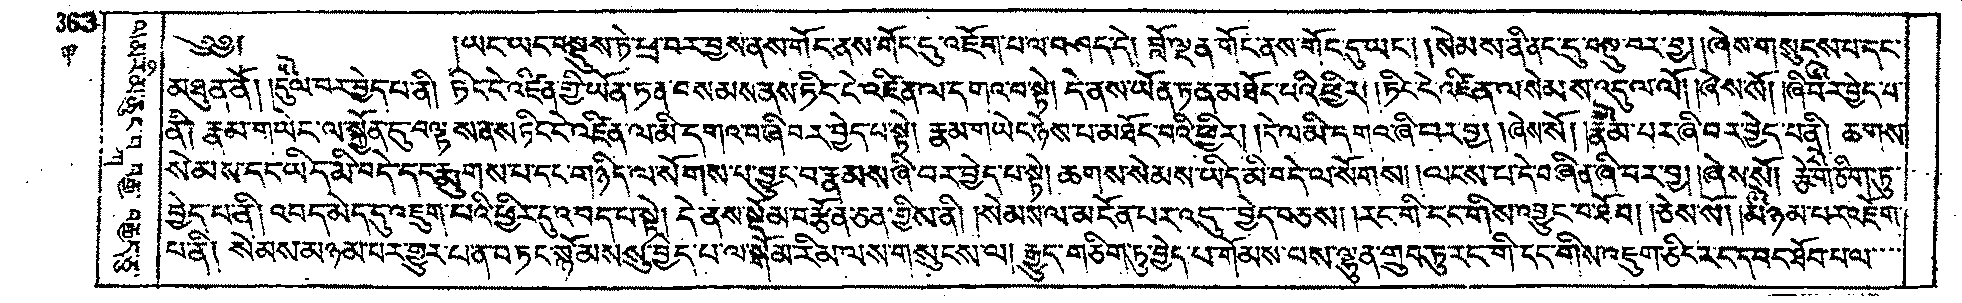༄༅། །ཡང་ཡང་བསྡུས་ཏེ་ཕྲ་བར་བྱས་ནས་གོང་ནས་གོང་དུ་འཇོག་པ་ལ་བཤད་དེ། བློ་ལྡན་གོང་ནས་གོང་དུ་ཡང་། །སེམས་ནི་ནང་དུ་བསྡུ་བར་བྱ། །ཞེས་གསུངས་པ་དང་
མཐུན་ནོ། །དུལ་བར་བྱེད་པ་ནི། ཏིང་ངེ་འཛིན་གྱི་ཡོན་ཏན་བསམས་ནས་ཏིང་ངེ་འཛིན་ལ་དགའ་བ་སྟེ། དེ་ནས་ཡོན་ཏན་མཐོང་བའི་ཕྱིར། །ཏིང་ངེ་འཛིན་ལ་སེམས་འདུལ་ལོ། །ཞེས་སོ། །ཞི་བར་བྱེད་པ་
ནི༑ རྣམ་གཡེང་ལ་སྐྱོན་དུ་བལྟས་ནས་ཏིང་ངེ་འཛིན་ལ་མི་དགའ་བ་ཞི་བར་བྱེད་པ་སྟེ། རྣམ་གཡེང་ཉེས་པ་མཐོང་བའི་ཕྱིར། །དེ་ལ་མི་དགའ་ཞི་བར་བྱ། །ཞེས་སོ། །རྣམ་པར་ཞི་བར་བྱེད་པ་ནི། ཆགས་
སེམས་དང་ཡིད་མི་བདེ་དང་རྨུགས་པ་དང་གཉིད་ལ་སོགས་པ་བྱུང་བ་རྣམས་ཞི་བར་བྱེད་པ་སྟེ། ཆགས་སེམས་ཡིད་མི་བདེ་ལ་སོ༩གས། །ལངས་པ་དེ་བཞིན་ཞི་བར་བྱ། །ཞེས་སོ། །རྩེ་གཅིག་ཏུ་
བྱེད་པ་ནི། འབད་མེད་དུ་འཇུག་པའི་ཕྱིར་དུ་འབད་པ་སྟེ། དེ་ནས་སྡོམ་བརྩོན་ཅན་གྱིས་ནི། །སེམས་ལ་མངོན་པར་འདུ་བྱེད་བཅས། །རང་གི་ངང་གིས་འབྱུང་བ་ཐོབ། །ཅེས་སོ། །མཉམ་པར་འཇོག་
པ་ནི། སེམས་མཉམ་པར་གྱུར་པ་ན་བཏང་སྙོམས་སུ་བྱེད་པ་ལ་སྒོམ་རིམ་ལས་གསུངས་ལ། རྒྱུད་གཅིག་ཏུ་བྱེད་པ་གོམས་པས་ལྷུན་གྲུབ་ཏུ་རང་གི་ངང་གིས་འཇུག་ཅིང་རང་དབང་ཐོབ་པ་ལ་